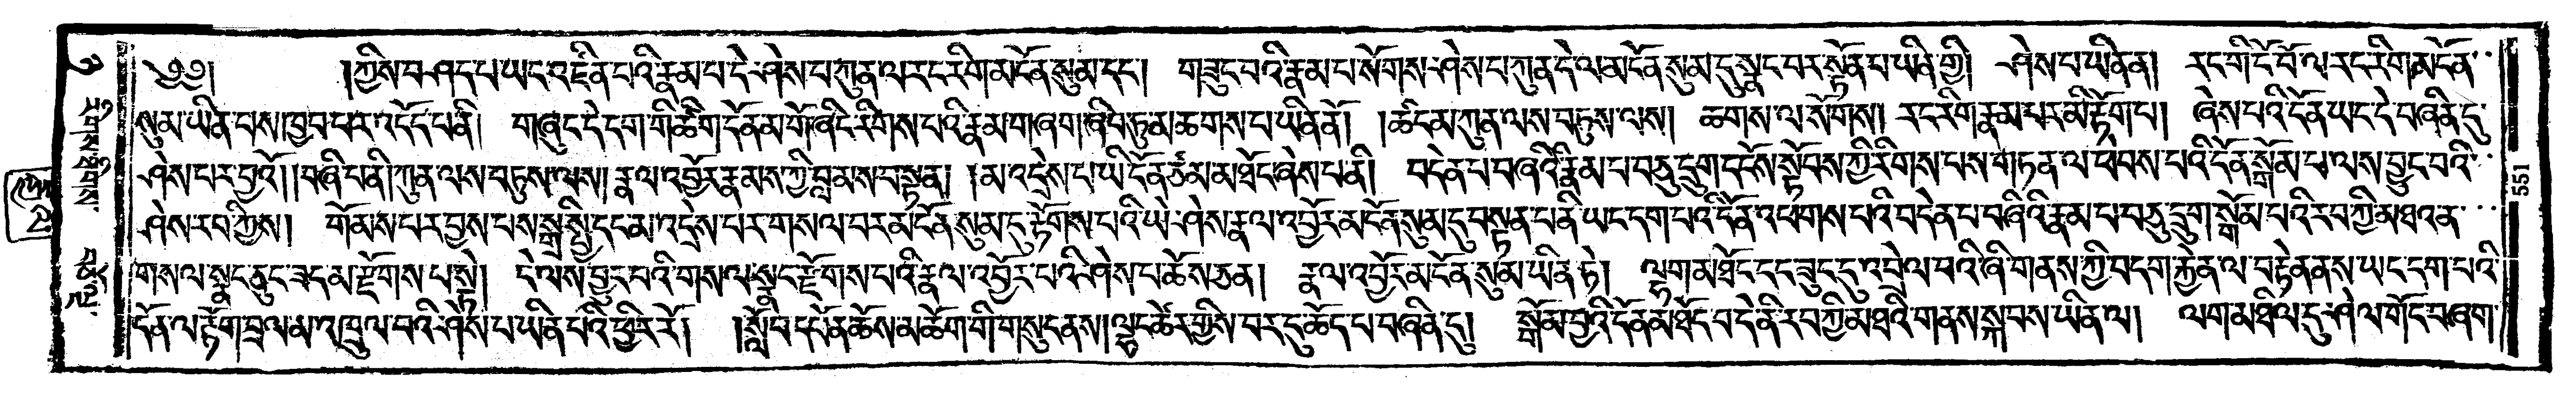༄༅། །ཀྱིས་བཤད་པ་ཡང་འཛིན་པའི་རྣམ་པ་དེ་ཤེས་པ་ཀུན་ལ་རང་རིག་མངོན་སུམ་དང་། གཟུང་བའི་རྣམ་པ་སོགས་ཤེས་པ་ཀུན་དེ་ལ་མངོན་སུམ་དུ་སྣང་བར་སྟོན་པ་ཡིན་གྱི། ཤེས་པ་ཡིན་ན། རང་གི་ངོ་བོ་ལ་རང་རིག་མངོན་
སུམ་ཡིན་པས་ཁྱབ་པར་འདོད་པ་ནི། གཞུང་དེ་དག་གི་ཚིག་དོན་མ་གོ་ཞིང་རིགས་པའི་རྣམ་གཞག་ཞིབ་ཏུ་མ་ཆགས་པ་ཡིན་ནོ། །ཚང་མ་ཀུན་ལས་བཏུས་ལས། ཆགས་ལ་སོགས། རང་རིག་རྣམ་པར་མི་རྟོག་པ། ཞེས་པའི་དོན་ཡང་དེ་བཞིན་དུ་
ཤེས་པར་བྱའོ། །བཞི་པ་ནི། ཀུན་ལས་བཏུས་ལས། རྣལ་འབྱོར་རྣམས་ཀྱི་བླ་མས་བསྟན། །མ་འདྲེས་པ་ཡི་དོན་ཙམ་མཐོང་ཞེས་པ་ནི། བདེན་པ་བཞིའི་རྣམ་པ་བཅུ་དྲུག་དངོས་སྟོབས་ཀྱི་རིགས་པས་གཏན་ལ་ཕེབས་པའི་དོན་སྒོམ་པ་ལས་བྱུང་བའི་
ཤེས་རབ་ཀྱིས། གོམས་པར་བྱས་པས་སྒྲ་སྤྱི་དང་མ་འདྲེས་པར་གསལ་བར་མངོན་སུམ་དུ་རྟོགས་པའི་ཡེ་ཤེས་རྣལ་འབྱོར་མངོན་སུམ་དུ་བསྟན་པ་ནི་ཡང་དག་པའི་དོན་འཕགས་པའི་བདེན་པ་བཞིའི་རྣམ་པ་བཅུ་དྲུག་སྒོམ་པའི་རབ་ཀྱི་མཐའ་ན་
གསལ་སྣང་ཅུང་ཟད་མ་རྫོགས་པ་སྟེ། དེ་ལས་བྱུང་བའི་གསལ་སྣང་རྫོགས་པའི་རྣལ་འབྱོར་པའི་ཤེས་པ་ཆོས་ཅན། རྣལ་འབྱོར་མངོན་སུམ་ཡིན་ཏེ། ལྷག་མཐོང་དང་ཟུང་དུ་འབྲེལ་བའི་ཞི་གནས་ཀྱི་བདག་རྐྱེན་ལ་བརྟེན་ནས་ཡང་དག་པའི་
དོན་ལ་རྟོག་བྲལ་མ་འཁྲུལ་བའི་ཤེས་པ་ཡིན་པའི་ཕྱིར་རོ། །སློབ་དཔོན་ཆོས་མཆོག་གི་གསུང་ནས། ལྷང་ཚེར་གྱིས་བར་དུ་ཆོད་པ་བཞིན་དུ། སྒོམ་བྱའི་དོན་མཐོང་བ་དེ་ནི་རབ་ཀྱི་མཐའི་གནས་སྐབས་ཡིན་ལ། ལག་མཐིལ་དུ་ཤེལ་གོང་བཞག་